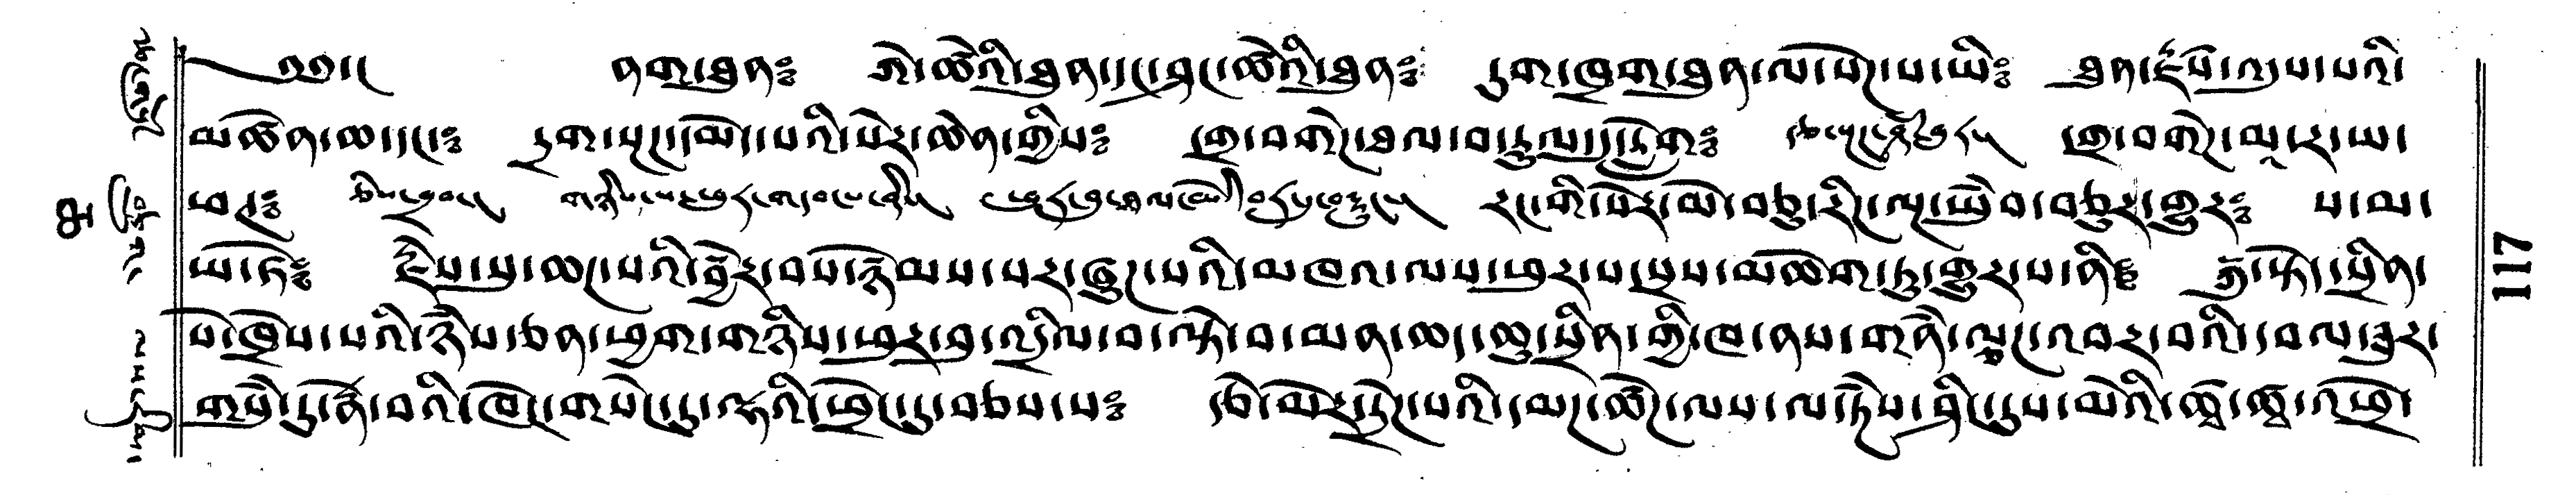ནག་ཐུན༔ཀེ་ཚེའི་ཐུན་དང་ཤང་ཚེའི་ཐུན༔ དུག་ཁྲག་ཐུན་ལ་སོགས་པ་ཡི༔ ཐུན་རྫས་འདུས་པའི་
མཚོན་ཆ་དང༔ དྲག་སྔགས་དམོད་པའི་སེར་ཆེན་གྱིས༔ དགྲ་བགེགས་ཐལ་བ་རྡུལ་དུ་རློག༔ རྩ་སྔགས་གཤམ་བུར། དགྲ་བགེགས་མཱ་ར་ཡ་
ཕཊཿ ཅེས་བྲབ། གཉིས་པ་ཕུར་གདབ་པ་ནི། ཕུར་བུ་ཐལ་མོའི་བར་དུ་བཟུང་། རང་གི་སོར་མོ་བཅུ་རིགས་ལྔ་ཡབ་ཡུམ་བཅུར་གྱུར༔ ས་མ་
ཡ་ཧོཿ རྗེས་སུ་ཆགས་པའི་སྦྱོར་བས་སྙོམས་པར་ཞུགས་པའི་མཁའ་ལས་ཕུར་པ་སྲས་མཆོག་ཏུ་གྱུར་པ་ནི༔ སྐུ་སྟོད་སྲིན་
པོ་ཁྲོས་པའི་ཉམས་ཅན་ཕྱག་གཉིས་ཕུར་བུ་འདྲིལ་བ་ལྟེ་བ་མན་ཆད་ཆུ་སྲིན་གྱི་ཁ་ནས་གནམ་ལྕགས་འབར་བའི་དབལ་ཟུར་
གསུམ་ཤིན་ཏུ་རྣོ་བའི་ཁོང་གསེང་ལྷ་ཡི་ཕོ་བྲེང་དུ་བཅས་པ༔ རྩེ་མོར་དྲེགས་པའི་དམག་ཚོགས་ལས་ལ་རྔམས་ཤིང་དུས་མེའི་ཚྭ་ཚྭ་འཕྲོ་